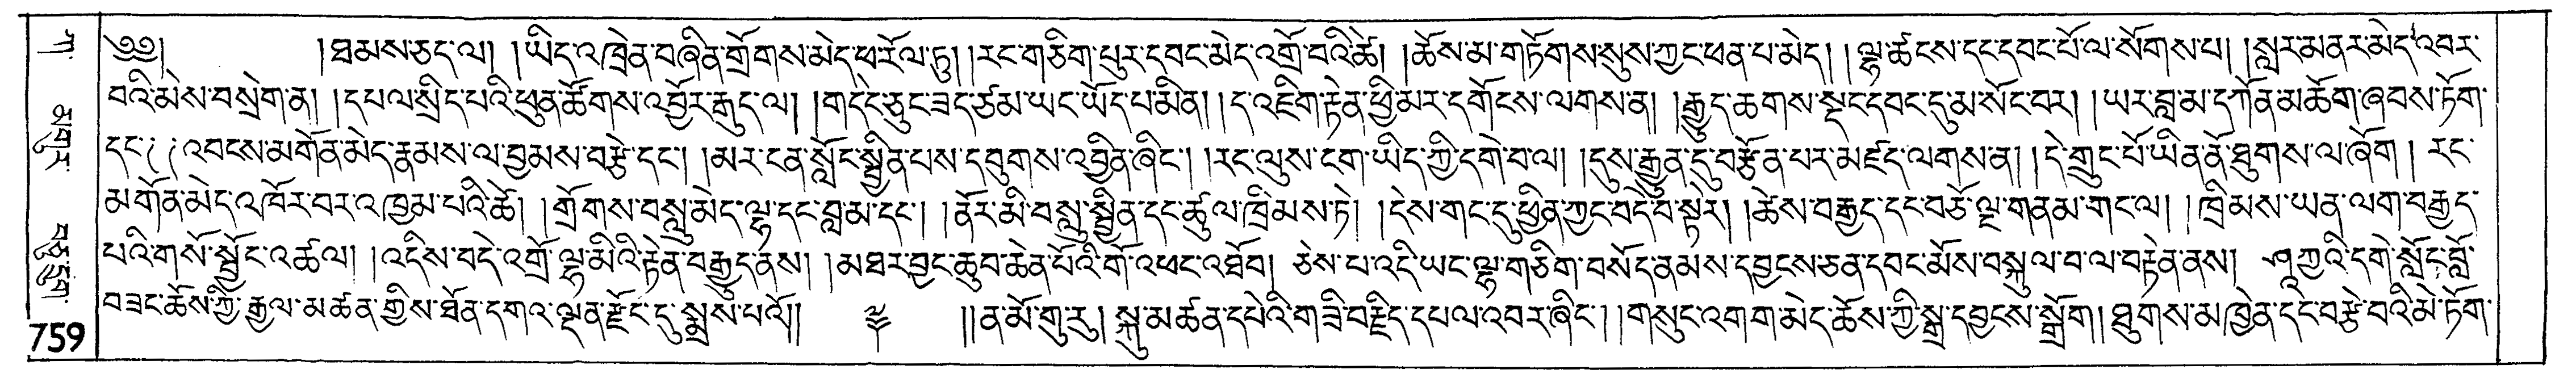༄༅། །ཐམས་ཅད་ལ། །ཡིད་འཁྲེན་བཞིན་གྲོགས་མེད་ཕ་རོལ་ཏུ། །རང་གཅིག་པུར་དབང་མེད་འགྲོ་བའི་ཚེ། །ཆོས་མ་གཏོགས་སུས་ཀྱང་ཕན་པ་མེད། །ལྷ་ཚངས་དང་དབང་པོ་ལ་སོགས་པ། །སླར་མནར་མེད་འབར་
བའི་མེས་བསྲེག་ན། །དཔལ་སྲིད་པའི་ཕུན་ཚོགས་འབྱོར་རྒུད་ལ། །གདེང་ཅུང་ཟད་ཙམ་ཡང་ཡོད་པ་མིན། །ད་འཇིག་རྟེན་ཕྱི་མར་དགོངས་ལགས་ན། །རྒྱུད་ཆགས་སྡང་དབང་དུ་མ་སོང་བར། །ཡར་བླ་མ་དཀོན་མཆོག་ཞབས་ཏོག་
དང༑ ༑འབངས་མགོན་མེད་རྣམས་ལ་བྱམས་བརྩེ་དང་། །མར་ངན་སློང་སྦྱིན་པས་དབུགས་འབྱིན་ཞིང་། །རང་ལུས་ངག་ཡིད་ཀྱི་དགེ་བ་ལ། །དུས་རྒྱུན་དུ་བརྩོན་པར་མཛད་ལགས་ན། །དེ་གྲུང་པོ་ཡིན་ནོ་ཐུགས་ལ་ཞོག །རང་
མགོན་མེད་འཁོར་བར་འཁྱམ་པའི་ཚེ། །གྲོགས་བསླུ་མེད་ལྷ་དང་བླ་མ་དང་། །ནོར་མི་བསླུ་སྦྱིན་དང་ཚུལ་ཁྲིམས་ཏེ། །དེས་གང་དུ་ཕྱིན་ཀྱང་བདེ་བ་སྟེར། །ཚེས་བརྒྱད་དང་བཅོ་ལྔ་གནམ་གང་ལ། །ཁྲིམས་ཡན་ལག་བརྒྱད་
པའི་གསོ་སྦྱོང་འཚལ། །འདིས་བདེ་འགྲོ་ལྷ་མིའི་རྟེན་བརྒྱུད་ནས། །མཐར་བྱང་ཆུབ་ཆེན་པོའི་གོ་འཕང་འཐོབ། ཅེས་པ་འདི་ཡང་ལྷ་གཅིག་བསོད་ནམས་དབྱངས་ཅན་དབང་མོས་བསྐུལ་བ་ལ་བརྟེན་ནས། ཤཱཀྱའི་དགེ་སློང་བློ་
བཟང་ཆོས་ཀྱི་རྒྱལ་མཚན་གྱིས་ཐོན་དགའ་ལྡན་རྫོང་དུ་སྨྲས་པའོ།། ༈ །།ན་མོ་གུ་རུ། སྐུ་མཚན་དཔེའི་གཟི་བརྗིད་དཔལ་འབར་ཞིང་། །གསུང་འགག་མེད་ཆོས་ཀྱི་སྒྲ་དབྱངས་སྒྲོག །ཐུགས་མཁྱེན་དང་བརྩེ་བའི་མེ་ཏོག་